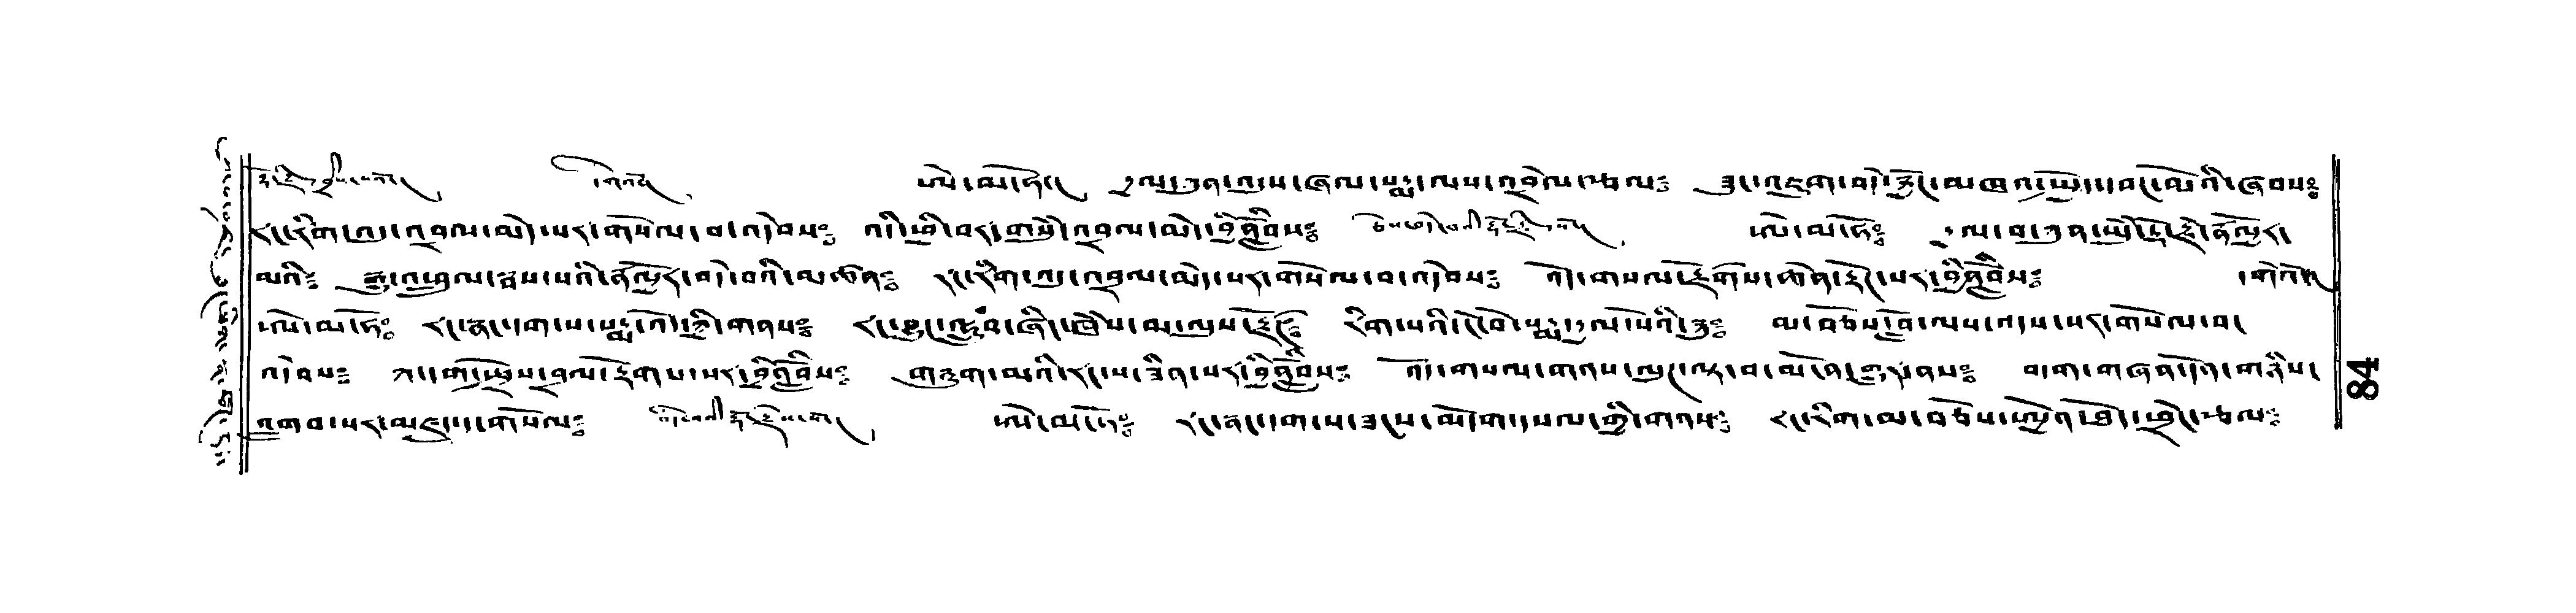རྡོ་རྗེས་བྲིས་པའོ།། ཨེ་མ་ཧོ༔ རྒྱལ་ཀུན་འདུས་ཞལ་པདྨ་ལས་འབྲེལ་རྩལ༔ ཟུང་འཇུག་བདེ་སྐྱོང་མཁའ་སྤྱོད་དབང་མོའི་ཞབས༔ 
རང་རིག་འདུ་འབྲལ་མེད་པར་གསོལ་བ་འདེབས༔འདི་ཕྱི་བར་གསུམ་འབྲལ་མེད་བྱིན་གྱིས་རློབས༔ ཅེས་བདེ་བའི་རྡོ་རྗེས་སོ།། ཨེ་མ་ཧོ༔ རྒྱལ་བ་ཀུན་ཡུམ་རྡོ་རྗེ་རྣལ་འབྱོར་
མའི༔ སྒྱུ་འཕྲུལ་སྦས་པའི་རྣལ་འབྱོར་བདེ་བའི་མཚན༔ རང་རིག་འདུ་འབྲལ་མེད་པར་གསོལ་བ་འདེབས༔ འོད་གསལ་རྫོགས་ཆེན་རྟོགས་པར་བྱིན་གྱིས་རློབས༔ དགེའོ།། 
ཨེ་མ་ཧོ༔ རང་སྣང་དག་པ་པདྨ་འོད་ཀྱི་གནས༔ རང་བྱུང་ལྷུན་གྲུབ་ཞིང་ཁམས་མ་ལུས་རྫོགས༔ རིག་པའི་ངོ་བོ་པདྨ་རྒྱལ་པོའི་སྐུ༔ མ་བཅོས་བློ་ལས་འདས་པར་གསོལ་བ་
འདེབས༔ ཀ་དག་སྤྲོས་བྲལ་རྟོགས་པར་བྱིན་གྱིས་རློབས༔ གཉུག་མའི་རང་ས་ཟིན་པར་བྱིན་གྱིས་རློབས༔ འོད་གསལ་གནས་ལུགས་ལྟ་བ་མངོན་གྱུར་ནས༔ བདག་གཞན་དོན་གཉིས་
འགྲུབ་པར་མཛད་དུ་གསོལ༔ བདེ་བའི་རྡོ་རྗེས་སོ།། ཨེ་མ་ཧོ༔ རང་སྣང་དག་པ་ཟངས་མདོག་དཔལ་གྱི་གནས༔ རང་རིག་མ་བཅོས་ཨོ་རྒྱན་ཐོད་ཕྲེང་རྩལ༔